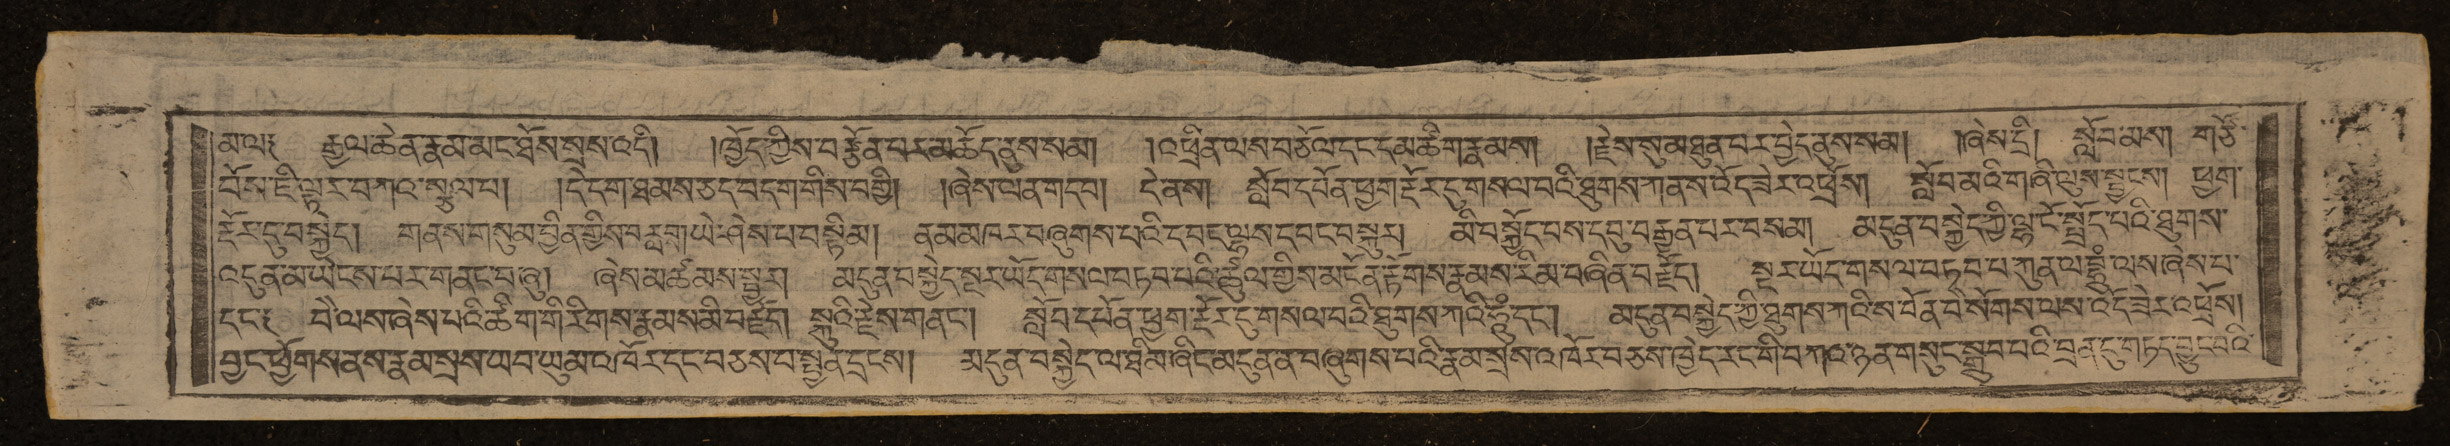མ་ལ༑ རྒྱལ་ཆེན་རྣམ་མང་ཐོས་སྲས་འདི། །ཁྱོད་ཀྱིས་བརྩོན་པར་མཆོད་ནུས་སམ། །འཕྲིན་ལས་བཅོལ་དང་དམ་ཚིག་རྣམས། །རྗེས་སུ་མཐུན་པར་བྱེད་ནུས་སམ། །ཞེས་དྲི། སློབ་མས། གཙོ་
བོས་ཇི་ལྟར་བཀའ་སྩལ་བ། །དེ་དག་ཐམས་ཅད་བདག་གིས་བགྱི། །ཞེས་ལན་གདབ། དེ་ནས། སློབ་དཔོན་ཕྱག་རྡོར་དུ་གསལ་བའི་ཐུགས་ཀ་ནས་འོད་ཟེར་འཕྲོས། སློབ་མའི་གཞི་ལུས་སྦྱངས། ཕྱག་
རྡོར་དུ་བསྐྱེད། གནས་གསུམ་བྱིན་གྱིས་བརླབས་ཡེ་ཤེས་བ་བསྟིམ། ནམ་མཁར་བཞུགས་པའི་དབང་ལྷས་དབང་བསྐུར། མི་བསྐྱོད་པས་དབུ་བརྒྱན་པར་བསམ། མདུན་བསྐྱེད་ཀྱི་ལྷ་ངོ་སྤྲོད་པའི་ཐུགས་
འདུན་མ་ཡེངས་བར་གནང་བ་ཞུ། ཞེས་མཚམས་སྦྱར། མདུན་བསྐྱེད་སྦར་ཡོད་གསལ་བཏབ་པའི་ཚུལ་གྱིས་མངོན་རྟོགས་རྣམས་རིམ་བཞིན་བརྗོད། སྔར་ཡོད་གསལ་བཏབ་པ་ཀུན་ལ་བྷུཾ་ལས་ཞེས་པ་
དང༑ བཻ་ལས་ཞེས་པའི་ཚིག་གི་རིགས་རྣམས་མི་བརྗོད། སྐུའི་རྗེས་གནང་། སློབ་དཔོན་ཕྱག་རྡོར་དུ་གསལ་བའི་ཐུགས་ཀའི་ཧཱུཾ་དང་། མདུན་བསྐྱེད་ཀྱི་ཐུགས་ཀའི་ས་བོན་བཻ་སོགས་ལས་འོད་ཟེར་འཕྲོས།
བྱང་ཕྱོགས་ནས་རྣམ་སྲས་ཡབ་ཡུམ་འཁོར་དང་བཅས་པ་སྤྱན་དྲངས། མདུན་བསྐྱེད་ལ་ཐིམ་ཞིང་མདུན་ན་བཞུགས་པའི་རྣམ་སྲས་འཁོར་བཅས་ཁྱེད་རང་གི་བཀའ་ཉན་གསུང་སྒྲུབ་པའི་བྲན་དུ་གཏང་བྱུང་བའི་